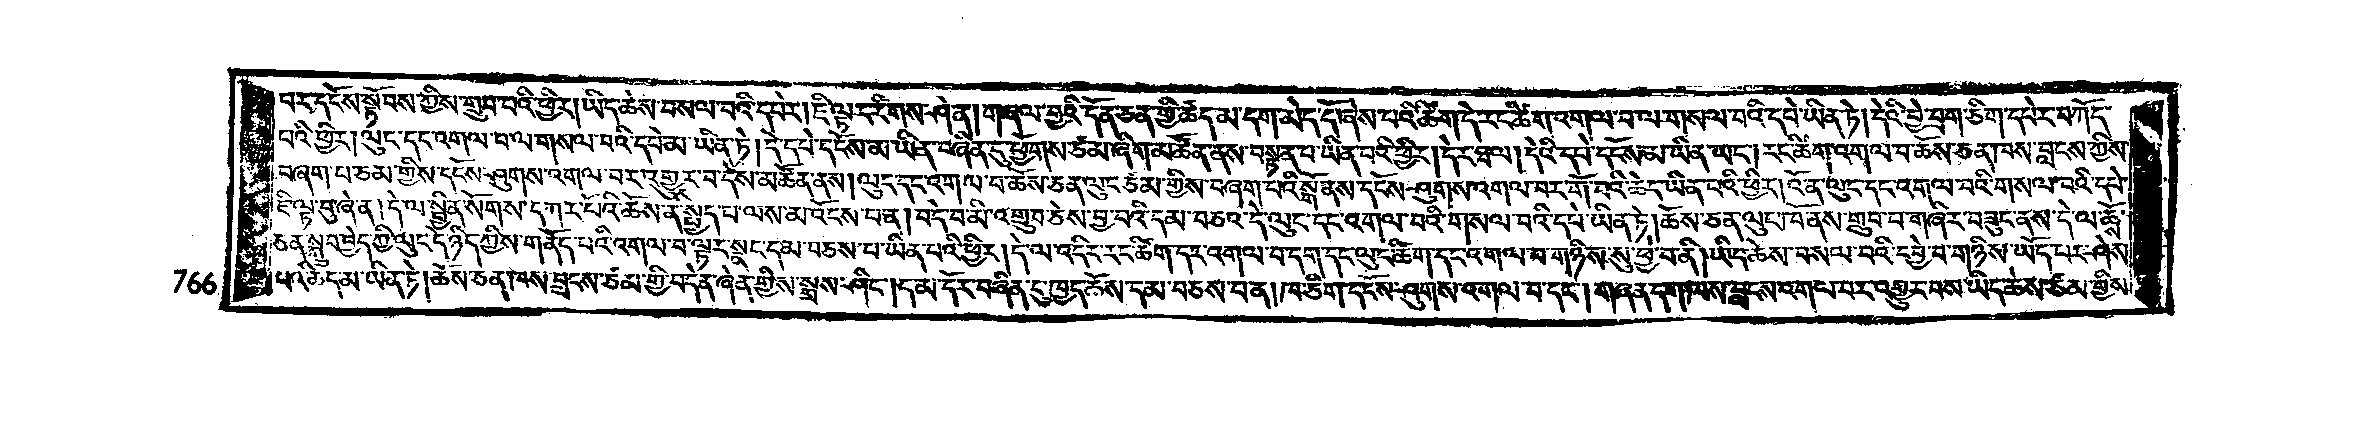བར་དངོས་སྟོབས་ཀྱིས་གྲུབ་པའི་ཕྱིར། ཡིད་ཆེས་བསལ་བའི་དཔེར། ཇི་ལྟར་རིགས་ཤེ་ན། གཞལ་བྱའི་དོན་ཅན་གྱི་ཚད་མ་དག་མེད་དོ་ཞེས་པའི་ཚིག་དེ་རང་ཚིག་འགལ་བ་ལ་གསལ་བའི་དཔེ་ཡིན་ཏེ། དེའི་བྱེ་བྲག་ཅིག་དཔེར་བཀོད་
བའི་ཕྱིར། ལུང་དང་འགལ་བ་ལ་གསལ་བའི་དཔེ་མ་ཡིན་ཏེ། དེ་དཔེ་དངོས་མ་ཡིན་བཞིན་དུ་ཕྱོགས་ཙམ་ཞིག་མཚོན་ནས་བསྟན་པ་ཡིན་པའི་ཕྱིར། དེར་ཐལ། དེའི་དཔེ་དངོས་མ་ཡིན་ཡང་། རང་ཚིག་འགལ་བ་ཆོས་ཅན་ཁས་བླངས་ཀྱིས་
བཞག་པ་ཙམ་གྱིས་དངོས་ཤུགས་འགལ་བར་འགྱུར་བ་དེས་མཚོན་ནས། ལུང་དང་འགལ་བ་ཆོས་ཅན་ལུང་ཙམ་གྱིས་བཞག་པའི་སྒོ་ནས་དངོས་ཤུགས་འགལ་བར་གོ་བའི་ཆེད་ཡིན་པའི་ཕྱིར། འོ་ན་ལུང་དང་འགལ་བའི་གསལ་བའི་དཔེ་
ཇི་ལྟ་བུ་ཞེ་ན། དེ་ལ་སྦྱིན་སོགས་དཀར་པོའི་ཆོས་ནི་སྤྱད་པ་ལས་མ་འོངས་པ་ན། བདེ་བ་མི་འགྲུབ་ཅེས་བྱ་བའི་དམ་བཅའ་དེ་ལུང་དང་འགལ་བའི་གསལ་བའི་དཔེ་ཡིན་ཏེ། ཆོས་ཅན་ལུང་ཁོ་ནས་གྲུབ་པ་གཞིར་བཟུང་ནས་དེ་ལ་ཆོས་
ཅན་སྒྲུབ་བྱེད་ཀྱི་ལུང་དེ་ཉིད་ཀྱིས་གནོད་པའི་འགལ་བ་ལྟར་སྣང་དམ་བཅས་པ་ཡིན་པའི་ཕྱིར། དེ་ལ་འདིར་རང་ཚིག་དང་འགལ་བ་དག་དང་ལུང་ཚིག་དང་འགལ་བ་གཉིས་སུ་ཕྱེ་བ་ནི། ཡིད་ཆེས་བསལ་བའི་དབྱེ་བ་གཉིས་ཡོད་པར་ཤེས་
པའི་ཚད་མ་ཡིན་ཏེ། ཆོས་ཅན་ཁས་བླངས་ཙམ་གྱི་བདེན་ཞེན་གྱིས་སྒྲས་ཤིང་། དེ་མ་དོར་བཞིན་དུ་ཁྱད་ཆོས་དམ་བཅས་པ་ན། ཁ་ཅིག་དངོས་ཤུགས་འགལ་བ་དང་། གཞན་དག་ཁས་བླངས་འགལ་བར་འགྱུར་བས་ཡིད་ཆེས་ཙམ་གྱིས་